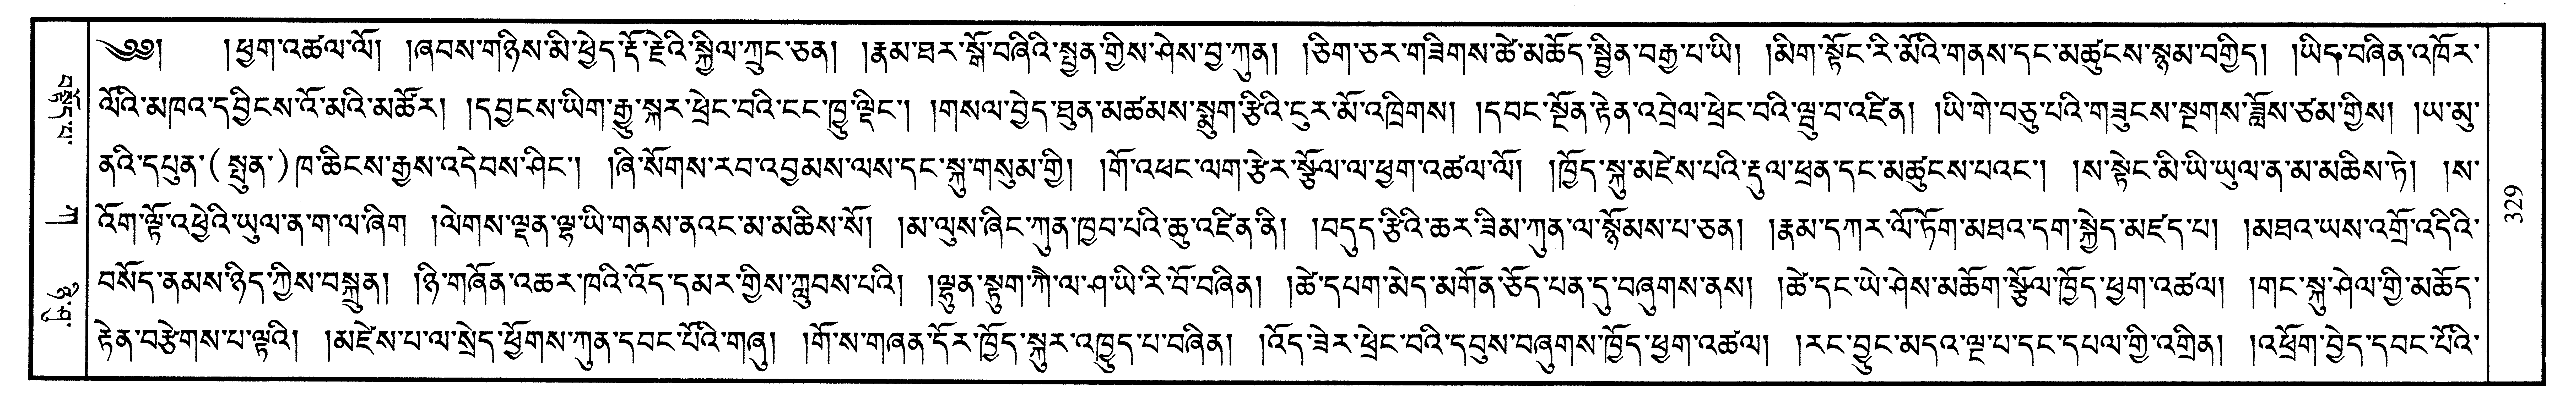༄༅། །ཕྱག་འཚལ་ལོ། །ཞབས་གཉིས་མི་ཕྱེད་རྡོ་རྗེའི་སྐྱིལ་ཀྲུང་ཅན། །རྣམ་ཐར་སྒོ་བཞིའི་སྤྱན་གྱིས་ཤེས་བྱ་ཀུན། །ཅིག་ཅར་གཟིགས་ཚེ་མཆོད་སྦྱིན་བརྒྱ་པ་ཡི། །མིག་སྟོང་རི་མོའི་གནས་དང་མཚུངས་སྙམ་བགྱིད། །ཡིད་བཞིན་འཁོར་
ལོའི་མཁའ་དབྱིངས་འོ་མའི་མཚོར། །དབྱངས་ཡིག་རྒྱུ་སྐར་ཕྲེང་བའི་ངང་ཁྱུ་ལྡིང་། །གསལ་བྱེད་ཐུན་མཚམས་སྨུག་རྩིའི་ངུར་མོ་འཁྲིགས། །དབང་སྔོན་རྟེན་འབྲེལ་ཕྲེང་བའི་ལྦུ་བ་འཛིན། །ཡི་གེ་བཅུ་པའི་གཟུངས་སྔགས་ཟློས་ཙམ་གྱིས། །ཡ་མུ་
ནའི་དཔུན་སྤུན་ཁ་ཆིངས་རྒྱས་འདེབས་ཤིང་། །ཞི་སོགས་རབ་འབྱམས་ལས་དང་སྐུ་གསུམ་གྱི། །གོ་འཕང་ལག་རྩེར་སྩོལ་ལ་ཕྱག་འཚལ་ལོ། །ཁྱོད་སྐུ་མཛེས་པའི་རྡུལ་ཕྲན་དང་མཚུངས་པའང་། །ས་སྟེང་མི་ཡི་ཡུལ་ན་མ་མཆིས་ཏེ། །ས་
འོག་ལྟོ་འཕྱེའི་ཡུལ་ན་ག་ལ་ཞིག །ལེགས་ལྡན་ལྷ་ཡི་གནས་ནའང་མ་མཆིས་སོ། །མ་ལུས་ཞིང་ཀུན་ཁྱབ་པའི་ཆུ་འཛིན་ནི། །བདུད་རྩིའི་ཆར་ཟིམ་ཀུན་ལ་སྙོམས་པ་ཅན། །རྣམ་དཀར་ལོ་ཏོག་མཐའ་དག་སྐྱེད་མཛད་པ། །མཐའ་ཡས་འགྲོ་འདིའི་
བསོད་ནམས་ཉིད་ཀྱིས་བསྐྲུན། །ཉི་གཞོན་འཆར་ཁའི་འོད་དམར་གྱིས་ཀླུབས་པའི། །ལྷུན་སྟུག་ཀཻ་ལ་ཤ་ཡི་རི་བོ་བཞིན། །ཚེ་དཔག་མེད་མགོན་པོད་པན་དུ་བཞུགས་ནས། །ཚེ་དང་ཡེ་ཤེས་མཆོག་སྩོལ་ཁྱོད་ཕྱག་འཚལ། །གང་སྐུ་ཤེལ་གྱི་མཆོད་
རྟེན་བརྩེགས་པ་ལྟའི། །མཛེས་པ་ལ་སྲེད་ཕྱོགས་ཀུན་དབང་པོའི་གཞུ། །གོ་ས་གཞན་དོར་ཁྱོད་སྐུར་འཁྱུད་པ་བཞིན། །འོད་ཟེར་ཕྲེང་བའི་དབུས་བཞུགས་ཁྱོད་ཕྱག་འཚལ། །རང་བྱུང་མདའ་ལྔ་པ་དང་དཔལ་གྱི་འགྲིན། །འཕྲོག་བྱེད་དབང་པོའི་